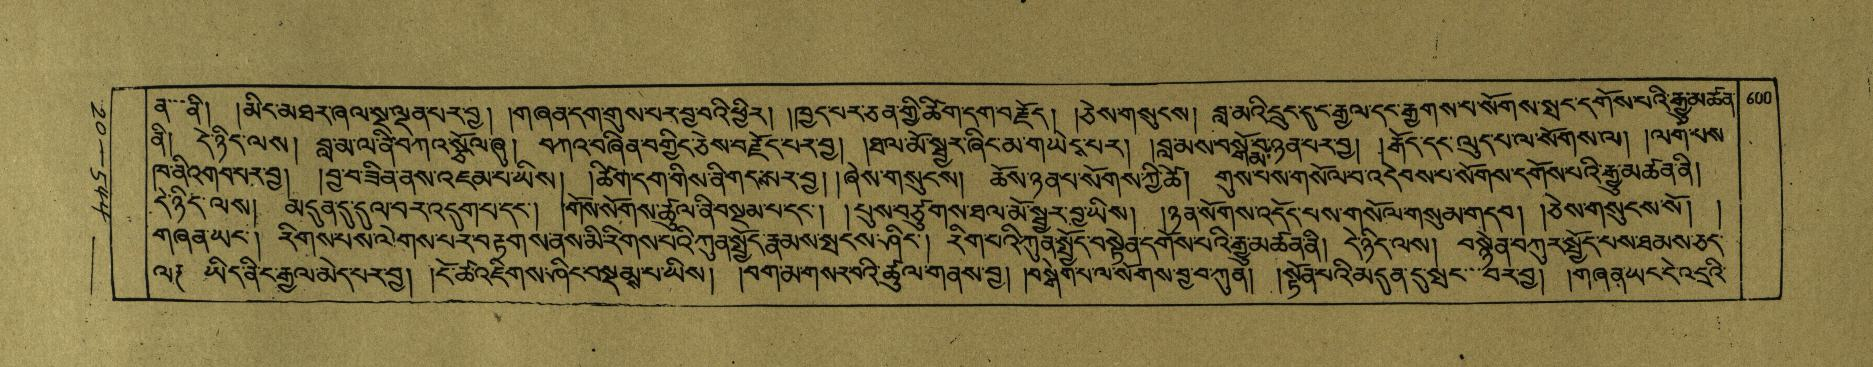ན་ནི། །མིང་མཐར་ཞལ་སྔ་ལྡན་པར་བྱ། །གཞན་དག་གུས་པར་བྱ་བའི་ཕྱིར། །ཁྱད་པར་ཅན་གྱི་ཚིག་དག་བརྗོད། །ཅེས་གསུངས། བླ་མའི་དྲུང་དུ་ང་རྒྱལ་དང་རྒྱགས་པ་སོགས་སྤང་དགོས་པའི་རྒྱུ་མཚན་
ནི། དེ་ཉིད་ལས། བླ་མ་ལ་ནི་བཀའ་སྩོལ་ཞུ། བཀའ་བཞིན་བགྱིང་ཅེས་བརྗོད་པར་བྱ། །ཐལ་མོ་སྦྱར་ཞིང་མ་གཡེངས་པར། །བླ་མས་བསྒོམ་བ་ཉན་པར་བྱ། །རྒོད་དང་ལུང་པ་ལ་སོགས་ལ། །ལག་པས་
ཁ་ནི་འགབ་པར་བྱ། །བྱ་བ་ཟིན་ནས་འཇམ་པ་ཡིས། །ཚིག་དག་གིས་ནི་གངས་པར་བྱ། །ཞེས་གསུངས། ཆོས་ཉན་པ་སོགས་ཀྱི་ཚེ། གུས་པས་གསོལ་བ་འདེབས་པ་སོགས་དགོས་པའི་རྒྱུ་མཚན་ནི།
དེ་ཉིད་ལས། མདུན་དུ་དུལ་བར་འདུག་པ་དང་། །གོས་སོགས་ཚུལ་ནི་བསྔམ་པ་དང་། །པུས་བཙུགས་ཐལ་མོ་སྦྱར་བྱ་ཡིས། །ཉན་སོགས་འདོད་པས་གསོལ་གསུམ་གདབ། །ཅེས་གསུངས་སོ། །
གཞན་ཡང་། རིགས་པས་ལེགས་པར་བརྟགས་ནས་མི་རིགས་པའི་ཀུན་སྤྱོད་རྣམས་སྤངས་ཤིང་། རིག་པའི་ཀུན་སྤྱོད་བསྟེན་དགོས་པའི་རྒྱུ་མཚན་ནི། དེ་ཉིད་ལས། བསྙེན་བཀུར་སྤྱོད་པས་ཐམས་ཅད་
ལ༑ ཡིད་ནི་ང་རྒྱལ་མེད་པར་བྱ། །ངོ་ཚ་འཇིགས་ཤིང་བསྡམས་པ་ཡིས། །བག་མ་གསར་བའི་ཚུལ་གནས་བྱ། །བསྒེག་པ་ལ་སོགས་བྱ་བ་ཀུན། །སྟོན་པའི་མདུན་དུ་སྤང་བར་བྱ། །གཞན་ཡང་དེ་འདྲའི་